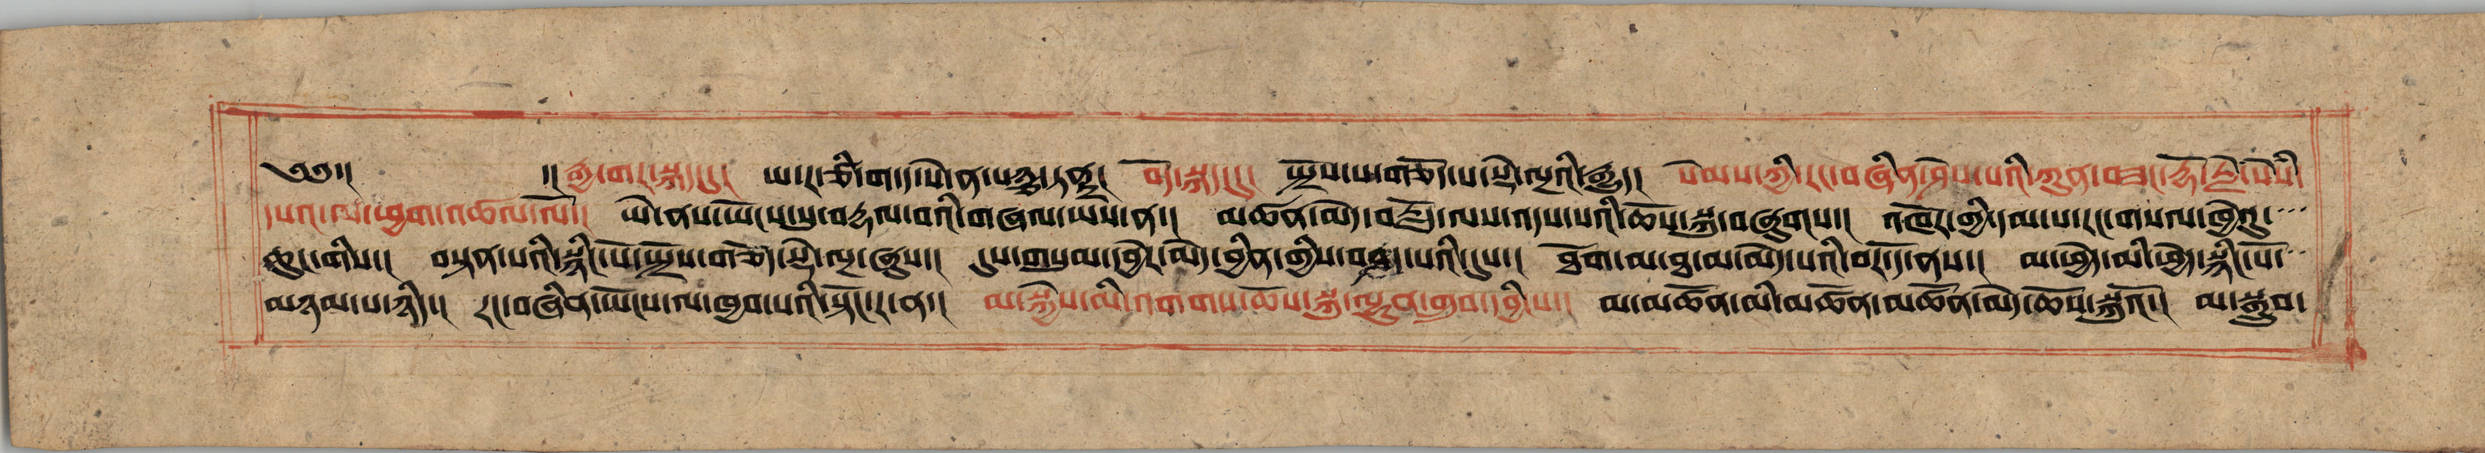༄༅་། ་།རྒྱ་གར་སྐད་དུ། ཡ་ར་ཙི་ག་ད་སེ་ན་པཉྩ་ཏནྟྲ། བོད་སྐད་དུ། སྤྲོས་པ་གཅོད་པ་སྡེ་ལྔའི་རྒྱུད། སེམས་ཀྱི་རང་བཞིན་ཤེས་པའི་ཀུན་བཟང་རྡོ་རྗེ་སེསཾ་
དཔའ་ལ་ཕྱག་འཚལ་ལོ་། ཡེ་ནས་ཡོངས་སུ་བརྡལ་བའི་གཞལ་ཡས་ན་། མཚན་མེད་བརྗོད་ལས་འདས་པའི་ཆོས་སྐུ་བཞུགས་། འཁོར་གྱི་དམ་པ་རང་གསལ་ཁྱེའུ་
ཆུང་གིས་། བསྟན་པའི་སྙིང་པོ་སྤྲོས་གཅོད་སྡེ་ལྔ་ཞུས་། དུས་གསུམ་དབྱེར་མེད་བྱིན་གྱིས་བཤད་པའི་དུས་། ཐོག་མ་ཐ་མ་མེད་པའི་བར་དོ་ནས་། མ་ཕྱེད་མི་ཕྱེད་སྙིང་པོ་་
མཉམ་པ་ཉིད་། རང་བཞིན་ཡོངས་ལ་ཁྱབ་པའི་སྟོང་ར་ན་། མ་སྐྱེས་མི་འགགས་ཆོས་སྐུ་ལྷུན་གྲུབ་དབྱིངས་། མ་མཚོན་མི་མཚོན་མཚོན་མེད་ཆོས་སྐུའོ་། མ་སྒྲུབ་